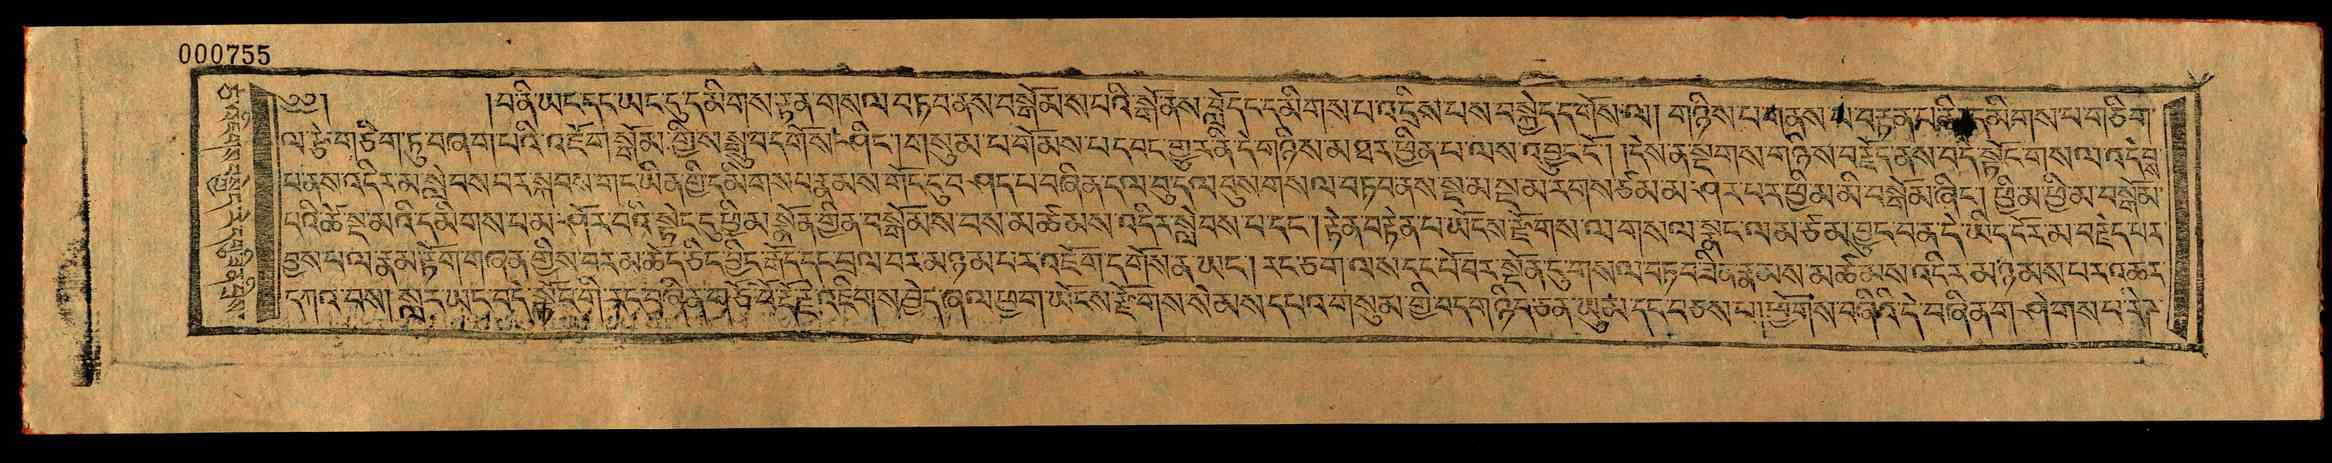༄༅། །བ་ནི་ཡང་དང་ཡང་དུ་དམིགས་རྟེན་གསལ་བཏབ་ནས་བསྒོམས་པའི་སྒོ་ནས་བློ་དང་དམིགས་པ་འདྲིས་པས་བསྐྱེད་དགོས་ལ། གཉིས་པ་གནས་པ་བརྟན་པ་ནི། དམིགས་པ་གཅིག་
ལ་རྩེ་གཅིག་ཏུ་བཞག་པའི་འཇོག་སྒོམ་གྱིས་སྒྲུབ་དགོས་ཤིང་། གསུམ་པ་གོམས་པ་དབང་གྱུར་ནི་དེ་གཉིས་མཐར་ཕྱིན་པ་ལས་འབྱུང་ངོ། །དེས་ན་སྔགས་གཉིས་བརྗོད་ནས་བདེ་སྟོང་གསལ་འདེབས་
པ་ནས་འདིར་མ་སླེབས་པར་སྐབས་གང་ཡིན་གྱི་དམིགས་པ་རྣམས་གོང་དུ་བཤད་པ་བཞིན་དལ་བུ་དལ་བུས་གསལ་བཏབ་ནས་སྔ་མ་སྔ་མ་རིགས་ཙམ་མ་ཤར་བར་ཕྱི་མ་མི་བསྒོམ་ཞིང་། ཕྱི་མ་ཕྱི་མ་བསྒོམ་
པའི་ཚེ་སྔ་མའི་དམིགས་པ་མ་ཤོར་བའི་སྟེང་དུ་ཕྱི་མ་སྣོན་གྱིན་བསྒོམས་པས་མཚམས་འདིར་སླེབས་པ་དང་། རྟེན་བརྟེན་པ་ཡོངས་རྫོགས་ལ་གསལ་སྣང་ལམ་ཙམ་བྱུང་བ་ན་དེ་ཡིད་ངོར་མ་བརྗེད་པར་
བྱས་པ་ལ་རྣམ་རྟོག་གཞན་གྱིས་བར་མ་ཆོད་ཅིང་བྱིང་རྒོད་དང་བྲལ་བར་མཉམ་པར་འཇོག་དགོས་ན་ཡང་། རང་ཅག་ལས་དང་པོ་བར་སྔོན་དུ་གསལ་བཏབ་ཟིན་རྣམས་མཚམས་འདིར་མ་ཉམས་པར་འཆར་
དཀའ་བས། སླར་ཡང་བདེ་སྟོང་གི་རང་བཞིན་གཙོ་བོ་རྡོ་རྗེ་འཇིགས་བྱེད་ཞལ་ཕྱག་ཡོངས་རྫོགས་སེམས་དཔའ་གསུམ་གྱི་བདག་ཉིད་ཅན་ཡུམ་དང་བཅས་པ། ཕྱོགས་བཞིའི་དེ་བཞིན་གཤེགས་པ་རིཌ་